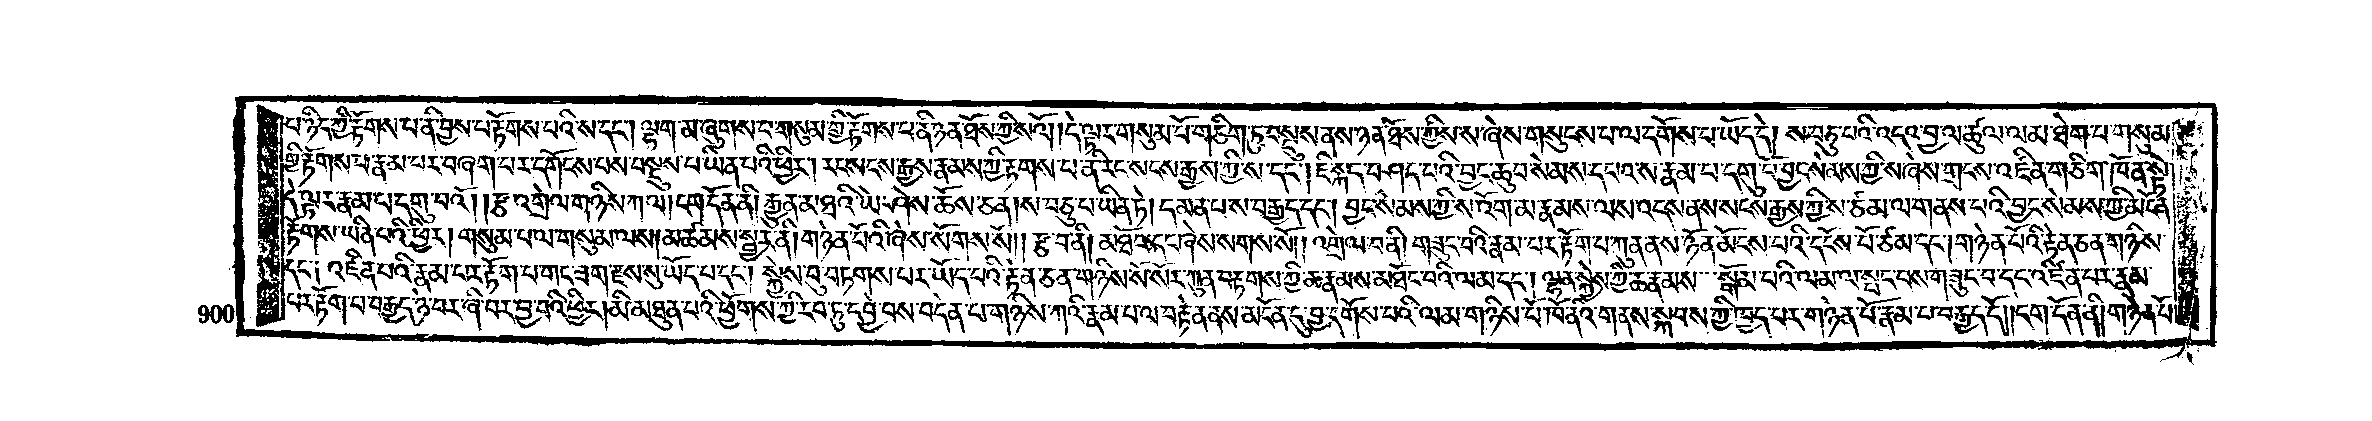པ་ཉིད་ཀྱི་རྟོགས་པ་ནི་བྱས་པ་རྟོགས་པའི་ས་དང་། ལྷག་མ་ཞུགས་པ་གསུམ་གྱི་རྟོགས་པ་ནི་ཉན་ཐོས་ཀྱི་སའོ། །དེ་ལྟར་གསུམ་པོ་གཅིག་ཏུ་བསྡུས་ནས་ཉན་ཐོས་ཀྱིས་ས་ཞེས་གསུངས་པ་ལ་དགོས་པ་ཡོད་དེ། ས་བཅུ་པའི་འདའ་བྱ་ལ་ཚུལ་ལམ་ཐེག་པ་གསུམ་
གྱི་རྟོགས་པ་རྣམ་པར་བཞག་པར་དགོངས་པས་བསྡུས་པ་ཡིན་པའི་ཕྱིར། རང་སངས་རྒྱས་རྣམས་ཀྱི་རྟགས་པ་ནི་རང་སངས་རྒྱས་ཀྱི་ས་དང་། ཇི་སྐད་བཤད་པའི་བྱང་ཆུབ་སེམས་དཔའ་ས་རྣམ་པ་དགུ་པོ་བྱང་སེམས་ཀྱི་ས་ཞེས་གྲངས་འཛིན་གཅིག་ཁོ་ན་སྟེ་
དེ་ལྟར་རྣམ་པ་དགུ་པའོ། །རྩ་འགྲེལ་གཉིས་ཀ་ལ། ངག་དོན་ནི། རྒྱུན་མཐའི་ཡེ་ཤེས་ཆོས་ཅན། ས་བཅུ་པ་ཡིན་ཏེ། དམན་པ་ས་བརྒྱད་དང་། བྱང་སེམས་ཀྱི་ས་འོག་མ་རྣམས་ལས་འདས་ནས་སངས་རྒྱས་ཀྱི་ས་ཙམ་ལ་གནས་པའི་བྱང་སེམས་ཀྱི་མངོན་
རྟོགས་ཡིན་པའི་ཕྱིར། གསུམ་པ་ལ་གསུམ་ལས། མཚམས་སྦྱར་ནི། གཉེན་པོའི་ཞེས་སོགས་སོ། །རྩ་བ་ནི། མཐོང་དང་ཞེས་སོགས་སོ། །འགྲེལ་བ་ནི། གཟུང་བའི་རྣམ་པར་རྟོག་པ་ཀུན་ནས་ཉོན་མོངས་པའི་དངོས་པོ་ཙམ་དང་། གཉེན་པོའི་རྟེན་ཅན་གཉིས་
དང་། འཛིན་པའི་རྣམ་པར་རྟོག་པ་གང་ཟག་རྫས་སུ་ཡོད་པ་དང་། སྐྱེས་བུ་བཏགས་པར་ཡོད་པའི་རྟེན་ཅན་གཉིས་སོ་སོར་ཀུན་བརྟགས་ཀྱི་ཆ་རྣམས་མཐོང་བའི་ལམ་དང་། ལྷན་སྐྱེས་ཀྱི་ཆ་རྣམས་སྒོམ་པའི་ལམ་ལ་སྤང་བས་གཟུང་བ་དང་འཛིན་པར་རྣམ་
པར་རྟོག་པ་བརྒྱད་ཉེ་བར་ཞི་བར་བྱ་བའི་ཕྱིར། མི་མཐུན་པའི་ཕྱོགས་ཀྱི་རབ་ཏུ་དབྱེ་བས་བདེན་པ་གཉིས་ཀའི་རྣམ་པ་ལ་བརྟེན་ནས་མངོན་དུ་བྱ་དགོས་པའི་ལམ་གཉིས་པོ་ཁོ་ནའི་གནས་སྐབས་ཀྱི་ཁྱད་པར་གཉེན་པོ་རྣམ་པ་བརྒྱད་དོ། །ངག་དོན་ནི། གཉེན་པོ་